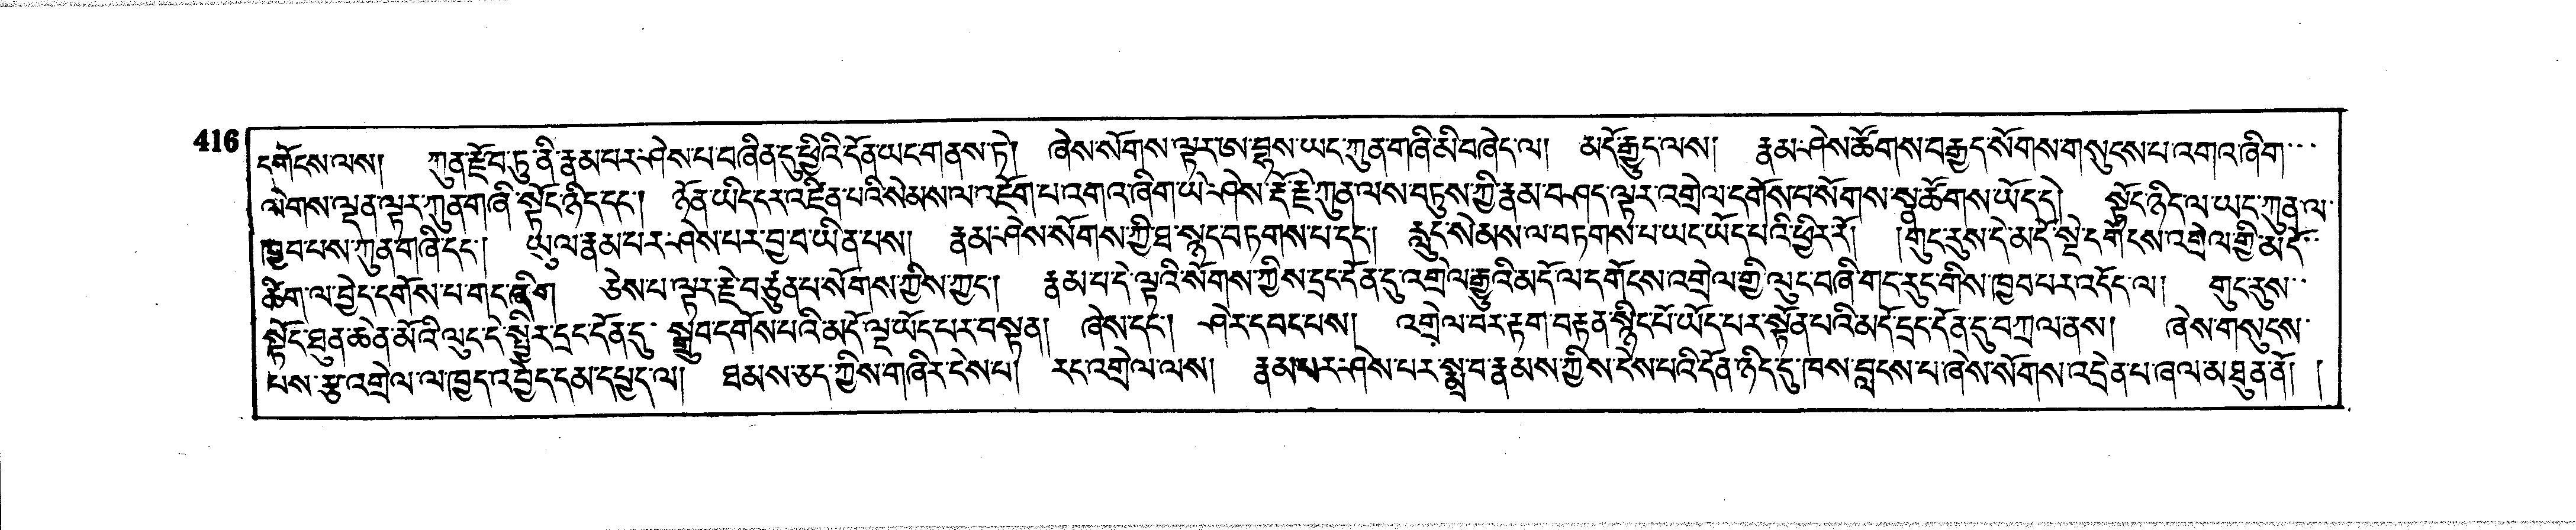དགོངས་ལས། ཀུན་རྫོབ་ཏུ་ནི་རྣམ་པར་ཤེས་པ་བཞིན་དུ་ཕྱིའི་དོན་ཡང་གནས་ཏེ། ཞེས་སོགས་ལྟར་ཨ་བྷས་ཡང་ཀུན་གཞི་མི་བཞེད་ལ། མདོ་རྒྱུད་ལས། རྣམ་ཤེས་ཚོགས་བརྒྱད་སོགས་གསུངས་པ་འགའ་ཞིག་
ལེགས་ལྡན་ལྟར་ཀུན་གཞི་སྟོང་ཉིད་དང་། ཉོན་ཡིད་ངར་འཛིན་པའི་སེམས་ལ་འཇོག་པ་འགའ་ཞིག་ཡེ་ཤེས་རྡོ་རྗེ་ཀུན་ལས་བཏུས་ཀྱི་རྣམ་བཤད་ལྟར་འགྲེལ་དགོས་པ་སོགས་སྣ་ཚོགས་ཡོད་དེ། སྟོང་ཉིད་ལ་ཡང་ཀུན་ལ་
ཁྱབ་པས་ཀུན་གཞི་དང་། ཡུལ་རྣམ་པར་ཤེས་པར་བྱ་བ་ཡིན་པས། རྣམ་ཤེས་སོགས་ཀྱི་ཐ་སྙད་བཏགས་པ་དང་། རླུང་སེམས་ལ་བཏགས་པ་ཡང་ཡོད་པའི་ཕྱིར་རོ། །གུང་རུས་དེ་མདོ་སྡེ་དགོངས་འགྲེལ་གྱི་མདོ་
ཚིག་ལ་བྱེད་དགོས་པ་གང་ཞིག་ཅེས་པ་ལྟར་རྗེ་བཙུན་པ་སོགས་ཀྱིས་ཀྱང་། རྣམ་པ་དེ་ལྟའི་སོགས་ཀྱིས་དྲང་དོན་དུ་འགྲེལ་རྒྱུའི་མདོ་ལ་དགོངས་འགྲེལ་གྱི་ལུང་བཞི་གང་རུང་གིས་ཁྱབ་པར་འདོད་ལ། གུང་རུས་
སྟོང་ཐུན་ཆེན་མོའི་ལུང་དེ་སྤྱིར་དྲང་དོན་དུ་སྒྲུབ་དགོས་པའི་མདོ་ལྔ་ཡོད་པར་བསྟན། ཞེས་དང་། ཤེར་དབང་པས། འགྲེལ་བར་རྟག་བརྟན་སྙིང་པོ་ཡོད་པར་སྟོན་པའི་མདོ་དྲང་དོན་དུ་བཀྲལ་ནས། ཞེས་གསུངས་
པས་རྩ་འགྲེལ་ལ་ཁྱད་འབྱེད་དམ་དཔྱད་ལ། ཐམས་ཅད་ཀྱིས་གཞིར་ངེས་པ། རང་འགྲེལ་ལས། རྣམ་པར་ཤེས་པར་སྨྲ་བ་རྣམས་ཀྱིས་ངེས་པའི་དོན་ཉིད་དུ་ཁས་བླངས་པ་ཞེས་སོགས་འདྲེན་པ་ཞལ་མཐུན་ནོ། །